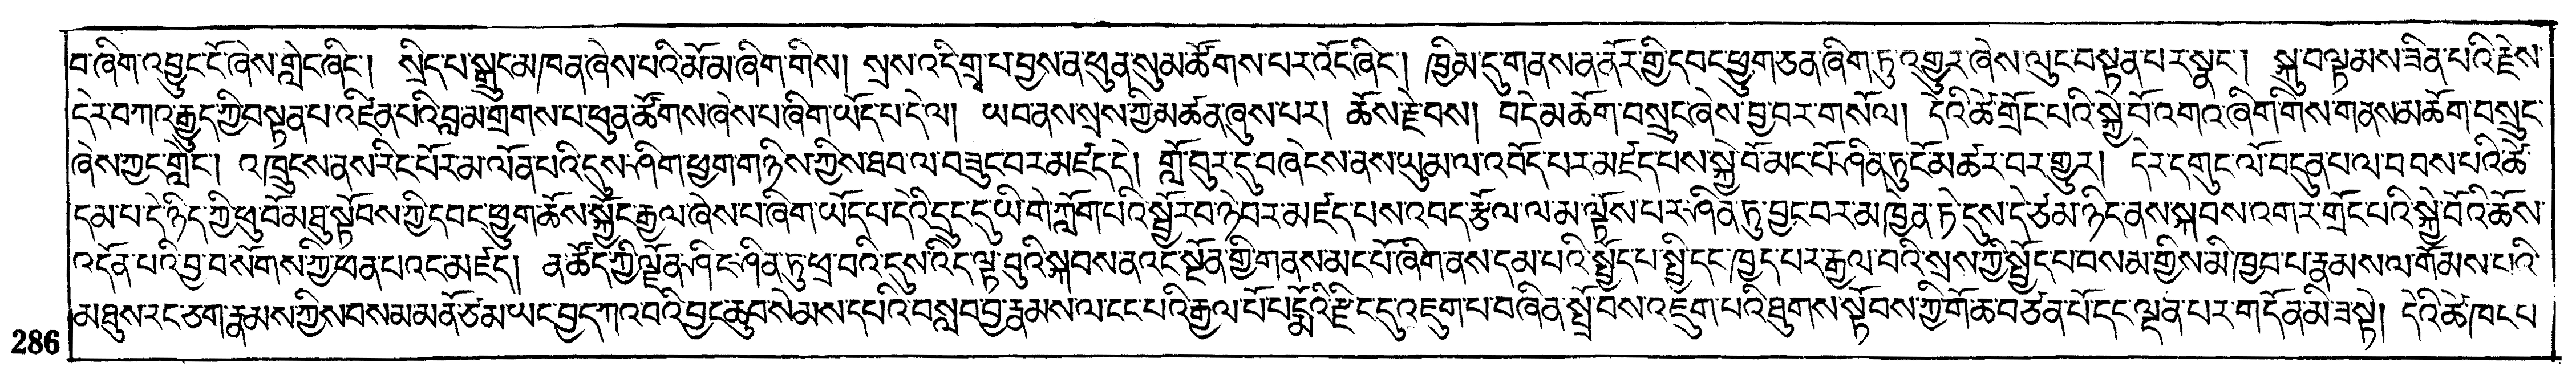བ་ཞིག་འབྱུང་ངོ་ཞེས་གླེང་ཞིང་། སྲིད་པ་སྒྲུང་མཁན་ཞེས་པའི་མོ་མ་ཞིག་གིས། སྲས་འདི་གྲྭ་པ་བྱས་ན་ཕུན་སུམ་ཚོགས་པར་འོང་ཞིང་། ཁྱིམ་དུ་གནས་ན་ནོར་གྱི་དབང་ཕྱུག་ཅན་ཞིག་ཏུ་འགྱུར་ཞེས་ལུང་བསྟན་པར་སྣང་། སྐུ་བལྟམས་ཟིན་པའི་རྗེས་
དེར་བཀའ་རྒྱུད་ཀྱི་བསྟན་པ་འཛིན་པའི་བླ་མ་གྲགས་པ་ཕུན་ཚོགས་ཞེས་པ་ཞིག་ཡོད་པ་དེ་ལ། ཡབ་ནས་སྲས་ཀྱི་མཚན་ཞུས་པར། ཆོས་རྗེ་བས། བདེ་མཆོག་བསྲུང་ཞེས་བྱ་བར་གསོལ། དེའི་ཚེ་གྲོང་པའི་སྐྱེ་བོ་འགའ་ཞིག་གིས་གནས་མཆོག་བསྲུང་
ཞེས་ཀྱང་གླེང་། འཁྲུངས་ནས་རིང་པོར་མ་ལོན་པའི་དུས་ཤིག་ཕྱག་གཉིས་ཀྱིས་ཐབ་ལ་བཟུང་བར་མཛད་དེ། གློ་བུར་དུ་བཞེངས་ནས་ཡུམ་ལ་འབོད་པར་མཛད་པས་སྐྱེ་བོ་མང་པོ་ཤིན་ཏུ་ངོ་མཚར་བར་གྱུར། དེར་དགུང་ལོ་བདུན་པ་ལ་བབས་པའི་ཚེ་
དམ་པ་དེ་ཉིད་ཀྱི་ཕུ་བོ་མཐུ་སྟོབས་ཀྱི་དབང་ཕྱུག་ཆོས་སྐྱོང་རྒྱལ་ཞེས་པ་ཞིག་ཡོད་པ་དེའི་དྲུང་དུ་ཡི་གེ་ཀློག་པའི་སྦྱོར་བ་ཉེ་བར་མཛད་པས་འབད་རྩོལ་ལ་མ་ལྟོས་པར་ཤིན་ཏུ་བྱང་བར་མཁྱེན་ཏེ་དུས་དེ་ཙམ་ཉིད་ནས་སྐབས་འགར་གྲོང་པའི་སྐྱེ་བོའི་ཆོས་
འདོན་པའི་བྱ་བ་སོགས་ཀྱི་ཕན་པའང་མཛད། ན་ཚོད་ཀྱི་ལྗོན་ཤིང་ཤིན་ཏུ་ཕྲ་བའི་དུས་འདི་ལྟ་བུའི་སྐབས་ནའང་སྔོན་གྱི་གནས་མང་པོ་ཞིག་ནས་དམ་པའི་སྤྱོད་པ་སྦྱི་དང་ཁྱད་པར་རྒྱལ་བའི་སྲས་ཀྱི་སྤྱོད་པ་བསམ་གྱིས་མི་ཁྱབ་པ་རྣམས་ལ་གོམས་པའི་
མཐུས་རང་ཅག་རྣམས་ཀྱིས་བསམ་མ་ནོ་ཙམ་ཡང་བྱ་དཀའ་བའི་བྱང་ཆུབ་སེམས་དཔའི་བསླབ་བྱ་རྣམས་ལ་ངང་པའི་རྒྱལ་པོ་པདམོའི་རྫིང་དུ་འཇུག་པ་བཞིན་སྤྲོ་བས་འཇུག་པའི་ཐུགས་སྟོབས་ཀྱི་གོ་ཆ་བཙན་པོ་དང་ལྡན་པར་གདོན་མི་ཟ་སྟེ། དེའི་ཚེ་ཁང་པ་